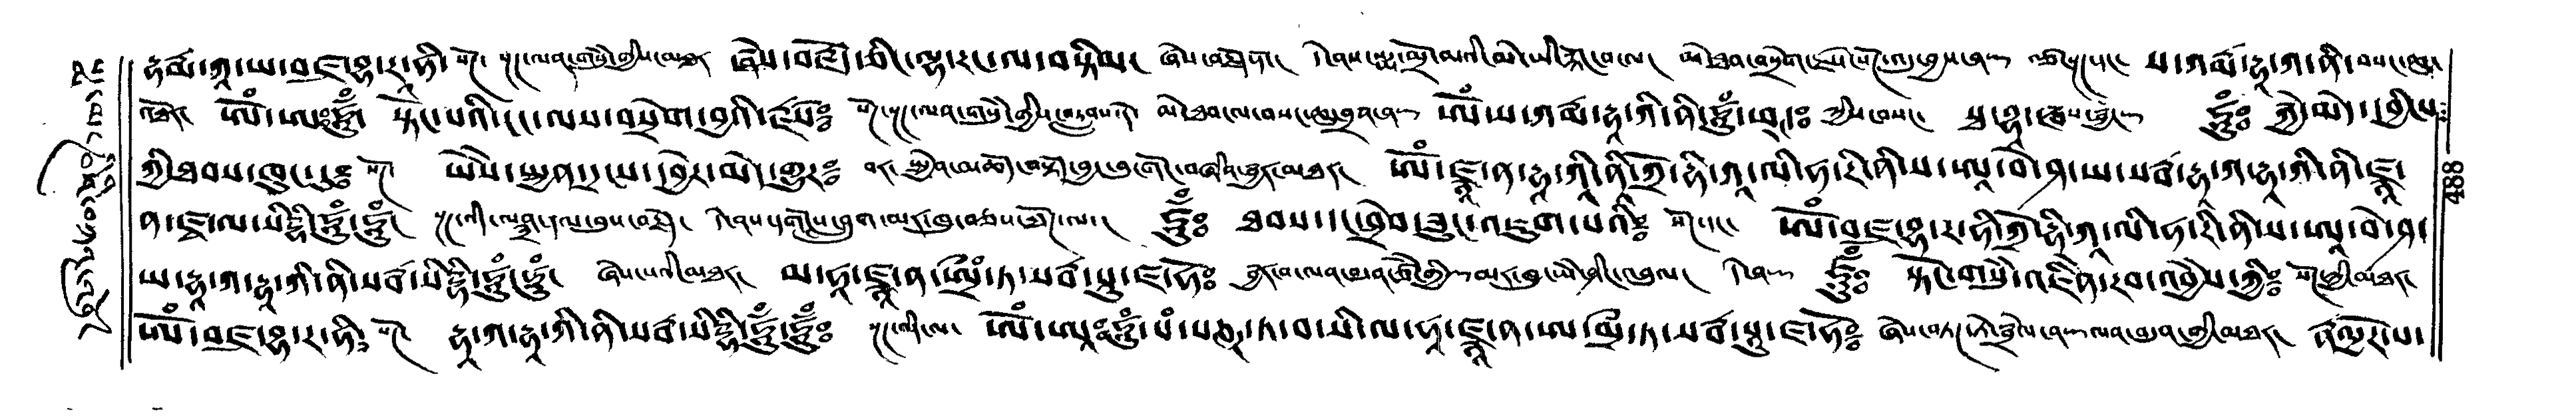དྷརྨ་ཀཱ་ཡ་བཛྲ་བྷ་རཱ་ཧི༴ སོགས་སྔགས་ལན་གསུམ་གྱིས་མཐར། ཞེས་བརྗོད་ཅིང་ལྷ་རང་ལ་བསྟིམ། ཞེས་བརྗོད་དོ། དེ་ནས་པདྨ་མཁའ་འགྲོ་མའི་སྐོང་བ་ལ། མེ་ཐབ་སྲེག་རྫས་སོགས་འདུ་བྱས་ནས། རྩ་སྔགས་དང་། ས་ཀརྨ་དྷཱ་ཀི་ནི ས་བསང་ཆུ་
འཐོར། ཨོཾ་ཨཱཿཧཱུྃ༔ སྟོང་པའི་ངང་ལས་བསྲེག་བྱའི་རྫས༔ སོགས་སྔགས་ལན་གསུམ་གྱིས་བརླབས་ཏེ། མེ་ཐབ་ལ་བསང་ཆུ་བྲན་ནས། ཨོཾ་ས་ཀརྨ་དྷཱི་ཀི་ནི་ཧཱུྃ་ཕཊཿ ཀྱིས་བསང་། སྭ་བྷཱ་ཝ ས་སྦྱང་། ཧཱུྃ༔ སྐྱེ་མེད་དབྱིངས་
ཀྱི་ཐབ་ཁུང་དུ༔ སོགས། ཡེ་ཤེས་སྤྱན་དྲངས་དབྱེར་མེད་གྱུར༔ བར་སྤྱན་འདྲེན་མཆོད་བསྟོད་བྱང་བུ་གོང་བཞིན་སྦྱར་མཐར། ཨོཾ་ཛྙ་ན་དྷཱི་ཀཱི་ནཱི་ཀྲོ་དྷི་ཀཱ་ལི་ཧ་རི་ནི་ས་ཨཱ་བེ་ཤ་ཡ་སརྦ་དྷཱ་ཀ་དྷཱ་ཀི་ནི་ཛྙ་
ན་ཛྭ་ལ་སིདྡྷི་ཧཱུྃ་ཧཱུྃ༔ སྔགས་འདི་ལན་གསུམ་དལ་བུས་བརྗོད། དེ་ནས་དགང་བླུག་མར་ཁུ་བཅས་ཐོགས་ལ། ཧཱུྃ༔ ཐབས་དང་ཤེས་རབ་ཟུང་འཇུག་པའི༔ སོགས་དང་། ཨོཾ་བཛྲ་བྷ་ར་ཧི་ཀྲོ་དྷི་ཀཱ་ལི་ཧ་རི་ནི་ས་ཨཱ་བེ་ཤ་
ཡ་དྷཱ་ཀ་དྷཱ་ཀི་ནི་སརྦ་སིདྡྷི་ཧཱུྃ་ཧཱུྃ༔ ཞེས་པའི་མཐར། མ་ཧཱ་ཛྙ་ན་ཨ་མྲྀ་ཏ་སརྦ་པཱུ་ཛ་ཧོ༔ སྦྱར་བ་ལན་བདུན་ཙམ་གྱིས་མར་ཁུ་ཡམ་ཤིང་འབུལ། དེ་ནས། ཧཱུྃ༔ སྟོང་གསུམ་འཇིག་རྟེན་རབ་འབྱམས་ཀྱི༔ སོགས་ཀྱི་མཐར། 
ཨོཾ་བཛྲ་བྷ་ར་ཧི༴ སོགས། དྷཱ་ཀ་དྷཱ་ཀི་ནི་སརྦ་སིདྡྷི་ཧཱུྃ་ཧཱུྃ༔ སྔགས་འདི་ལ། ཨོཾ་ཨཱཿཧཱུྃ་པཾ་པཎྜ་ཏ་བ་སི་ལ་ཧཱ་ཛྙ་ན་ཨ་མྲྀ་ཏ་སརྦ་པཱུ་ཛ་ཧོ༔ ཞེས་བཏགས་ཏེ་སྦྲེལ་ནས་ལན་བདུན་གྱི་མཐར། རྣལ་འབྱོར་པ་